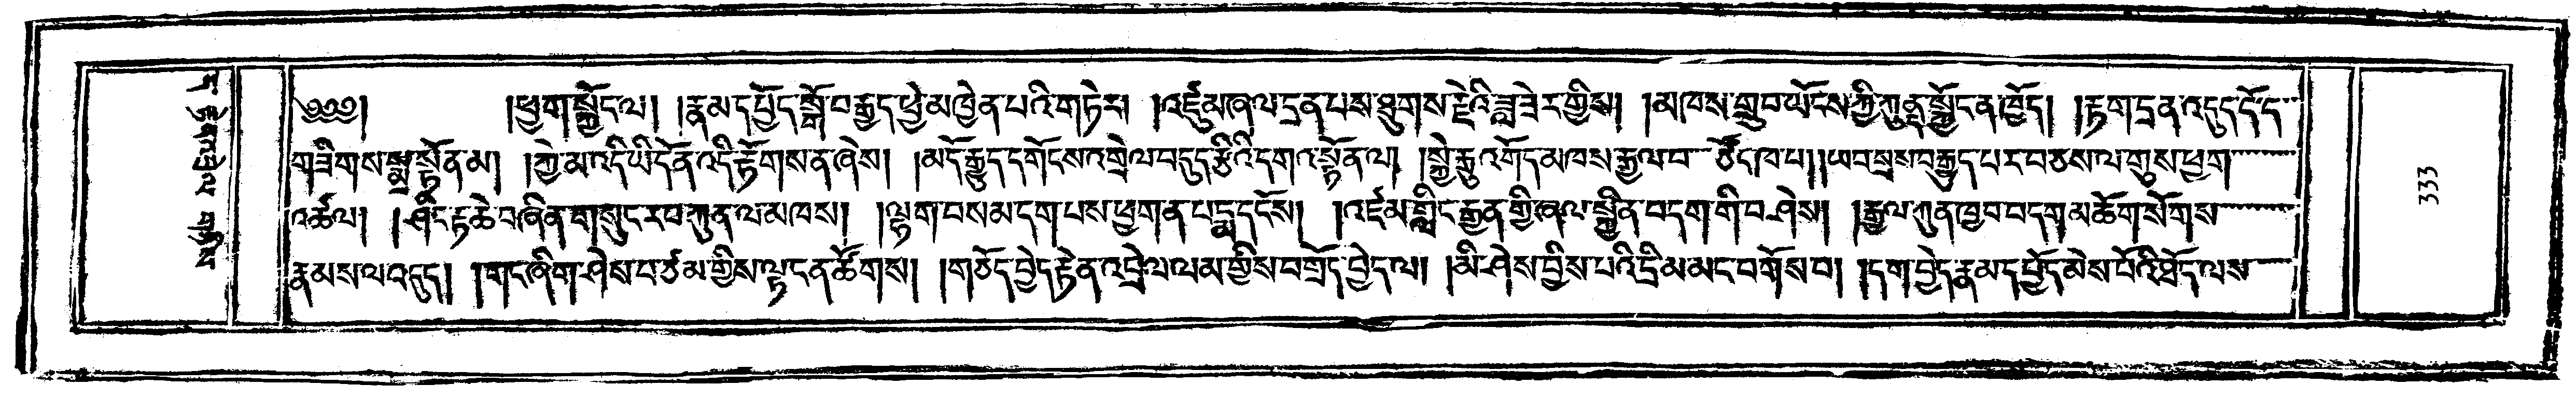༄༅༅། །ཕྱག་སྐྱོང་ལ། །རྣམ་དཔྱོད་སྒོ་བརྒྱད་ཕྱེ་མཁྱེན་པའི་གཏེར། །འཛུམ་ཞལ་དྲན་པས་ཐུགས་རྗེའི་ཟླ་ཟེར་གྱིས། །མཁས་གྲུབ་ཡོངས་ཀྱི་ཀུནྡ་སྐྱོང་ན་ཁྱོད། །རྟག་དྲན་འདུད་དོ་ད་
གཟིགས་སྨྲ་སྟོན་མ། །ཀྱེ་མ་འདི་ཡི་དོན་འདི་རྟོགས་ན་ཞེས། །མདོ་རྒྱུད་དགོངས་འགྲེལ་བདུད་རྩིའི་དགའ་སྟོན་ལ། །སྐྱེ་རྒུ་འགོད་མཁས་རྒྱལ་བ་ཙོང་ཁ་པ། །ཡབ་སྲས་བརྒྱུད་པར་བཅས་ལ་གུས་ཕྱག་
འཚལ། །ཤིང་རྟ་ཆེ་བཞིན་གསུང་རབ་ཀུན་ལ་མཁས། །ལྷག་བསམ་དག་པས་ཕྱག་ན་པདམ་དངོས། །འཛམ་གླིང་རྒྱན་གྱི་ཞལ་སྦྱིན་བདག་གི་བཤེས། །རྒྱལ་ཀུན་ཁྱབ་བདག་མཆོག་སོགས་
རྣམས་ལ་འདུད། །གང་ཞིག་ཤེས་པ་ཙམ་གྱིས་ལྟ་ངན་ཚོགས། །གཅོད་བྱེད་རྟེན་འབྲེལ་ལམ་གྱིས་བགྲོད་བྱེད་ལ། །མི་ཤེས་བྱིས་པའི་དྲི་མ་མང་བགོས་པ། །དག་བྱེད་རྣམ་དཔྱོད་མེས་པོའི་ཐོད་ལས་